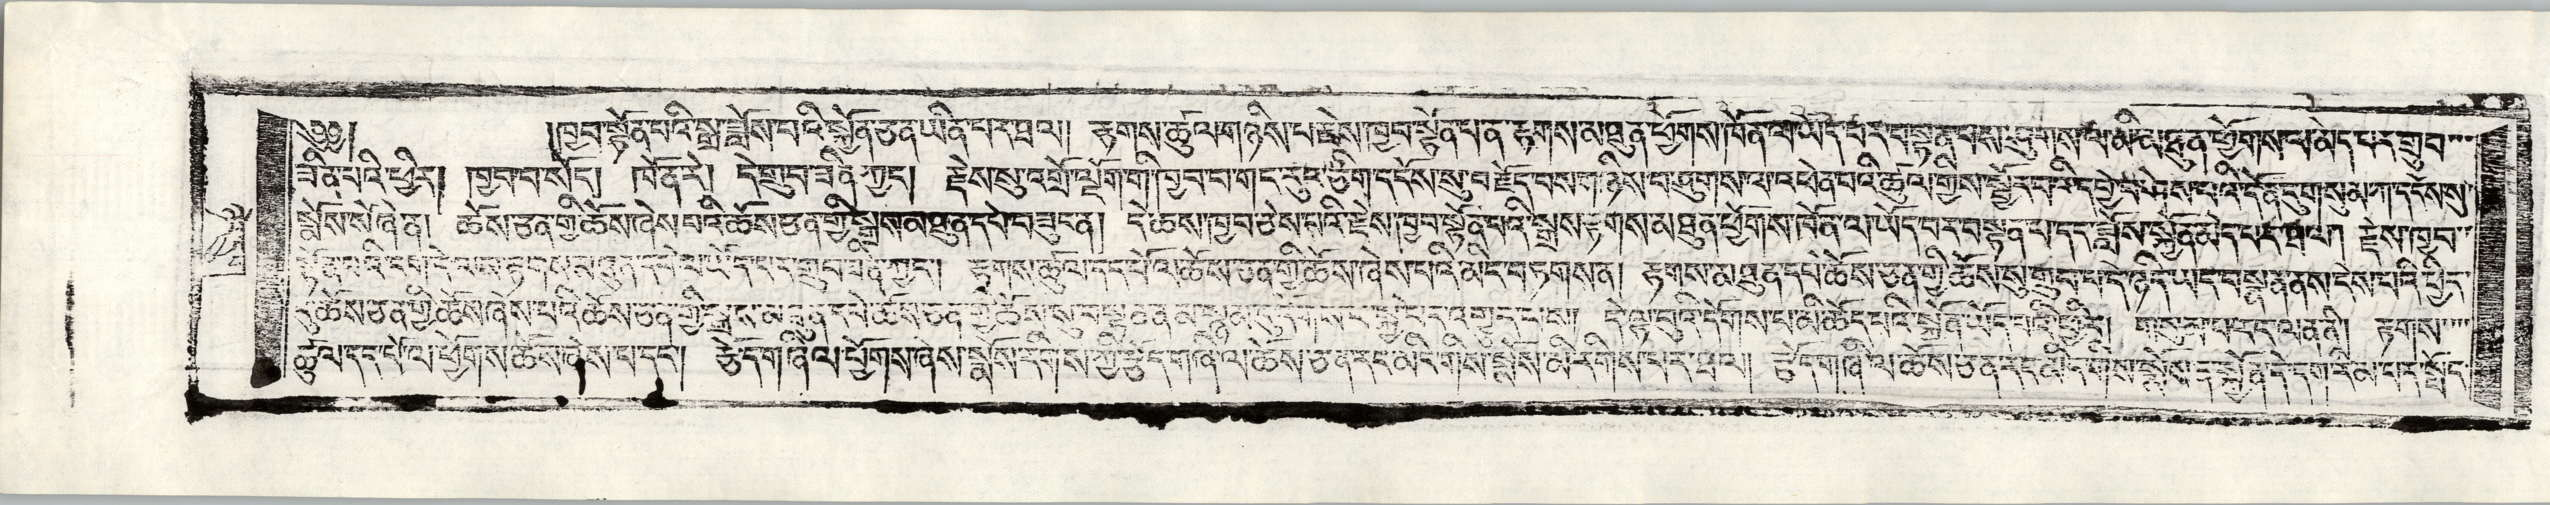༄༅། །ཁྱབ་སྟོན་པའི་སྒྲ་ཟློས་པའི་སྐྱོན་ཅན་ཡིན་པར་ཐལ། རྟགས་ཚུལ་གཉིས་པ་རྗེས་ཁྱབ་སྟོན་པ་ན་རྟགས་མཐུན་ཕྱོགས་ཁོ་ན་ལ་ཡོད་པར་བསྟན་པས་ཤུགས་ལ་མི་མཐུན་ཕྱོགས་ལ་མེད་པར་གྲུབ་
ཟིན་པའི་ཕྱིར། ཁྱབ་པ་སོང་། ཁོ་ན་རེ། དེ་གྲུབ་ཟིན་ཀྱང་། རྗེས་སུ་འགྲོ་ལྡོག་གི་ཁྱབ་པ་གང་རུང་ཅིག་དངོས་སུ་བརྗོད་པས་གཉིས་པ་ཤུགས་ལ་འཕེན་པའི་ཚུལ་གྱིས་སྦྱོར་བའི་དབྱེ་བ་ཤེས་པའི་དོན་དུ་གསུམ་ག་དངོས་སུ་
སྨྲས་སོ་ཞེ་ན། ཆོས་ཅན་གྱི་ཆོས་ཞེས་པའི་ཆོས་ཅན་གྱི་སྒྲ་མཐུན་དཔེ་བཟུང་ན། དེ་ཆས་ཁྱབ་ཅེས་པའི་རྗེས་ཁྱབ་སྟོན་པའི་སྒྲས་རྟགས་མཐུན་ཕྱོགས་ཁོ་ན་ལ་ཡོད་པར་བསྟན་པ་དང་ཟློས་སྐྱོན་མེད་པར་ཐལ། རྗེས་ཁྱབ་
སྟོན་པའི་ངག་དེ་ལས་རྟགས་མཐུན་དཔེ་ལ་ཡོད་པར་གྲུབ་ཟིན་ཀྱང་། རྟགས་ཚུལ་དང་པོ་ལ་ཆོས་ཅན་གྱི་ཆོས་ཞེས་པའི་མིང་བཏགས་ན། རྟགས་མཐུན་དཔེ་ཆོས་ཅན་གྱི་ཆོས་སུ་གྲུབ་པ་དེ་ཉིད་ཡང་བསྣན་ནས་ངེས་པའི་ཕྱིར་
དུ་ཆོས་ཅན་གྱི་ཆོས་ཞེས་པའི་ཆོས་ཅན་གྱི་སྒྲས་མཐུན་དཔེ་ཆོས་ཅན་གྱི་ཆོས་སུ་བསྟན་ནམ་སྙམ་དུ་དོགས་པ་སྐྱེ་བར་འགྱུར་བས། དེ་ལྟ་བུའི་དོགས་པ་མི་ཆོད་པའི་སྐྱོན་ཡོད་པའི་ཕྱིར། གསུམ་པ་རང་ལན་ནི། རྟགས་
ཚུལ་དང་པོ་ལ་ཕྱོགས་ཆོས་ཞེས་པ་དང་། རྩོད་གཞི་ལ་ཕྱོགས་ཞེས་སྨོས་རིགས་ཀྱི་རྩོད་གཞི་ལ་ཆོས་ཅན་རང་མིང་གིས་སྨོས་མི་རིགས་པར་ཐལ། རྩོད་གཞི་ལ་ཆོས་ཅན་རང་མིང་གིས་སྨོས་ན་སྐྱོན་དེ་དག་རིམ་པར་སྤོང་